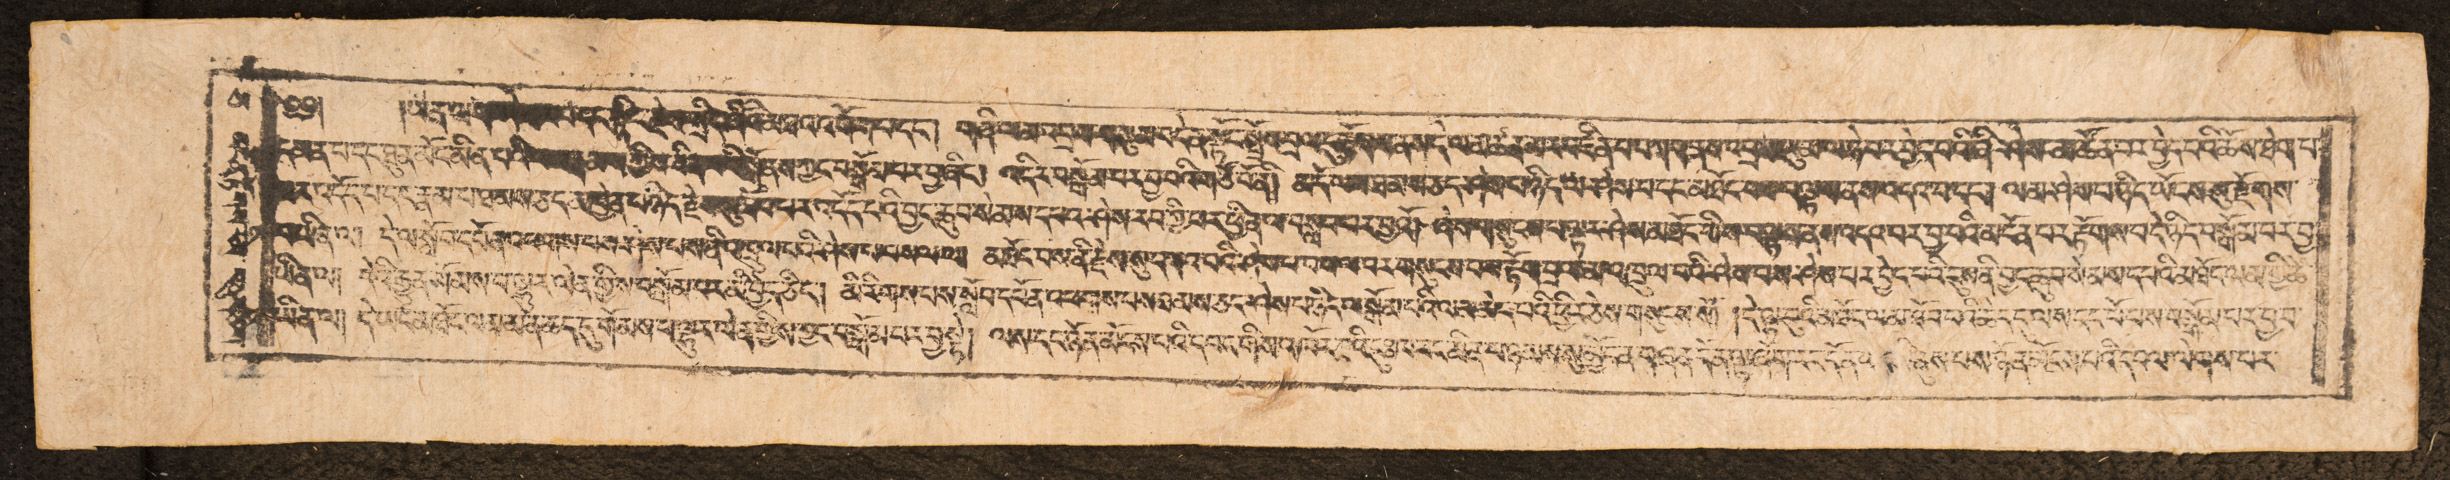༄༅། །ཡན་ལག་ཤེས་རབ་དང་སྙིང་རྗེས་སྲིད་ཞིའི་མཐའ་འགོག་པ་དང་། གཞི་ལམ་འབྲས་གསུམ་བདེན་སྟོང་སྤྲོས་བྲལ་དུ་རྟོགས་ནས་དེ་ལ་མཚན་མར་འཛིན་པ་བཀག་ནས་འབྲས་ཡུམ་ལ་ཉེ་བར་བྱེད་པའི་ཞི་ཤེས་མཚོན་པར་བྱེད་པའི་ཆོས་ཐེག་པ་
དམན་པ་དང་ཐུན་མོང་མིན་པའི་ལམ་རྣམས་ཀྱིས་ཟིན་པའི་སྒོ་ནས་ཀྱང་བསྒོམ་པར་བྱ་ཞིང་། འདིར་བསྒོམ་པར་བྱ་བའི་གཙོ་བོ་ནི། མདོ་ལས་ཐམས་ཅད་ཤེས་པ་ཉིད་ལ་ཤེས་པ་དང་མཐོང་བས་བལྟས་ནས་འདའ་བ་དང་། ལམ་ཤེས་པ་ཉིད་ཡོངས་སུ་རྫོགས་
པར་འདོད་པ་དང་རྣམ་པ་ཐམས་ཅད་མཁྱེན་པ་ཉིད་རྗེས་སུ་ཐོབ་པར་འདོད་པའི་བྱང་ཆུབ་སེམས་དཔའ་ཤེས་རབ་ཀྱི་ཕར་ཕྱིན་ལ་བསླབ་པར་བྱའོ། ཞེས་གསུངས་པ་ལྟར་ཤེས་མཐོང་གིས་བལྟས་ནས་འདའ་བར་བྱ་བའི་མངོན་པར་རྟོགས་པ་དེ་ཉིད་བསྒོམ་པར་བྱ་
བ་ཡིན་ལ། དེ་ལ་སློབ་དཔོན་འཕགས་པས་ཤེས་པས་ནི་འཁྲུལ་པའི་ཤེས་པ་བསལ་ལ། མཐོང་བས་ནི་རྗེས་སུ་དགའ་བའི་ཤེས་པ་བསལ་བར་གསུངས་པས་རྟོག་བྲལ་མ་འཁྲུལ་པའི་ཤེས་པས་ཤེས་པར་བྱེད་པའི་དུས་ནི་བྱང་ཆུབ་སེམས་དཔའི་མཐོང་ལམ་གྱི་ཚེ་
ཡིན་ལ། དེའི་རྒྱུན་གོམས་པ་ལྷུར་ལེན་གྱིས་བསྒོམ་པར་མི་བྱེད་ཅིང་། མི་རིགས་པས་སློབ་དཔོན་འཕགས་པས་ཐམས་ཅད་ཤེས་པ་ཉིད་ལ་སྒོམ་པའི་ལམ་མེད་པའི་ཕྱིར་ཅེས་གསུངས་སོ། །དེ་ལྟ་བུའི་མཐོང་ལམ་ཐོབ་པའི་ཆེད་དུ་ལས་དང་པོ་པས་བསྒོམ་པར་བྱ་བ་
ཡིན་ལ། དེ་ཡང་མཐོང་ལམ་མན་ཆད་དུ་གོམས་པ་ལྷུར་ལེན་གྱིས་ཀྱང་བསྒོམ་པར་བྱ་སྟེ། ལས་དང་ཉོན་མོངས་པའི་དབང་གིས་འཁོར་བའི་དུཿ ཁ་རང་མིན་པ་ཉམས་སུ་མྱོང་ན་གཞན་དོན་ལྟ་ཞོག་རང་དོན་ཡང་མི་ནུས་པས་ཉོན་མོངས་པའི་དཔལ་ལེགས་པར་